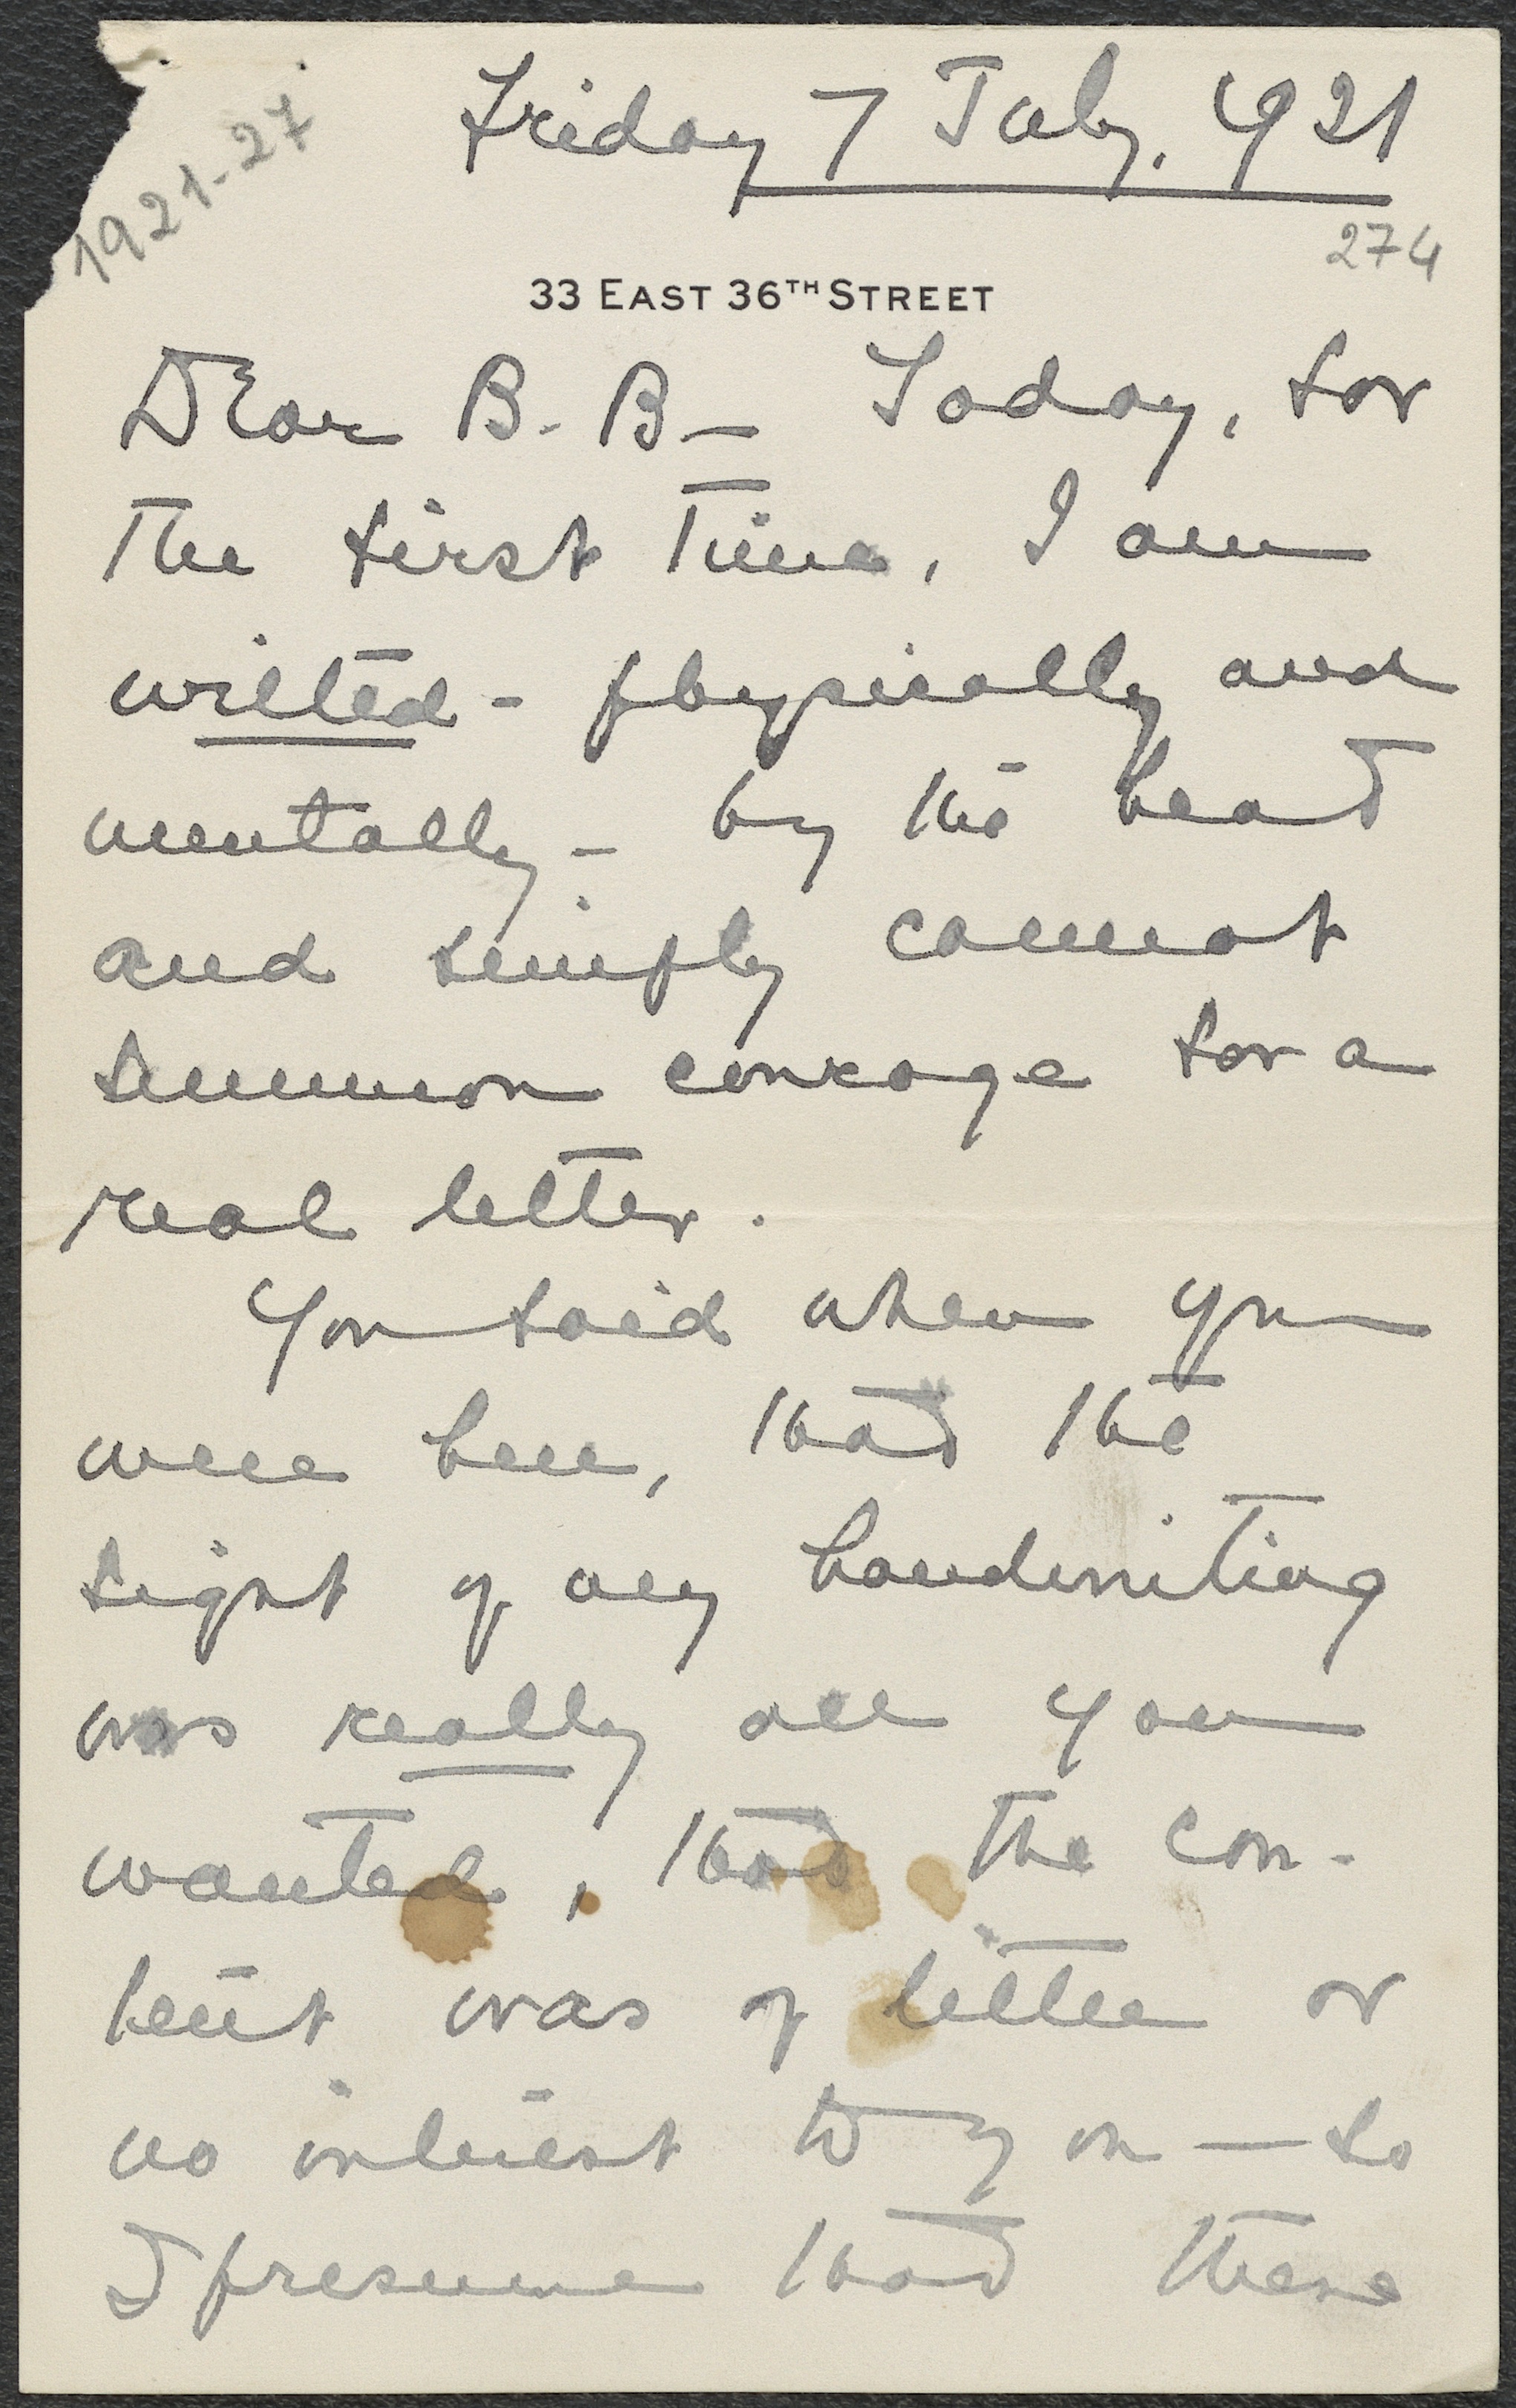Friday 7 July, 1921
Dear B. B – Today, for the first time, I am wilted – physically and mentally – by the heat and simply cannot summon courage for a real letter.
You said when you were here, that the sight of my handwriting was really all you wanted, that the content was of little or no interest to you – so I presume that these